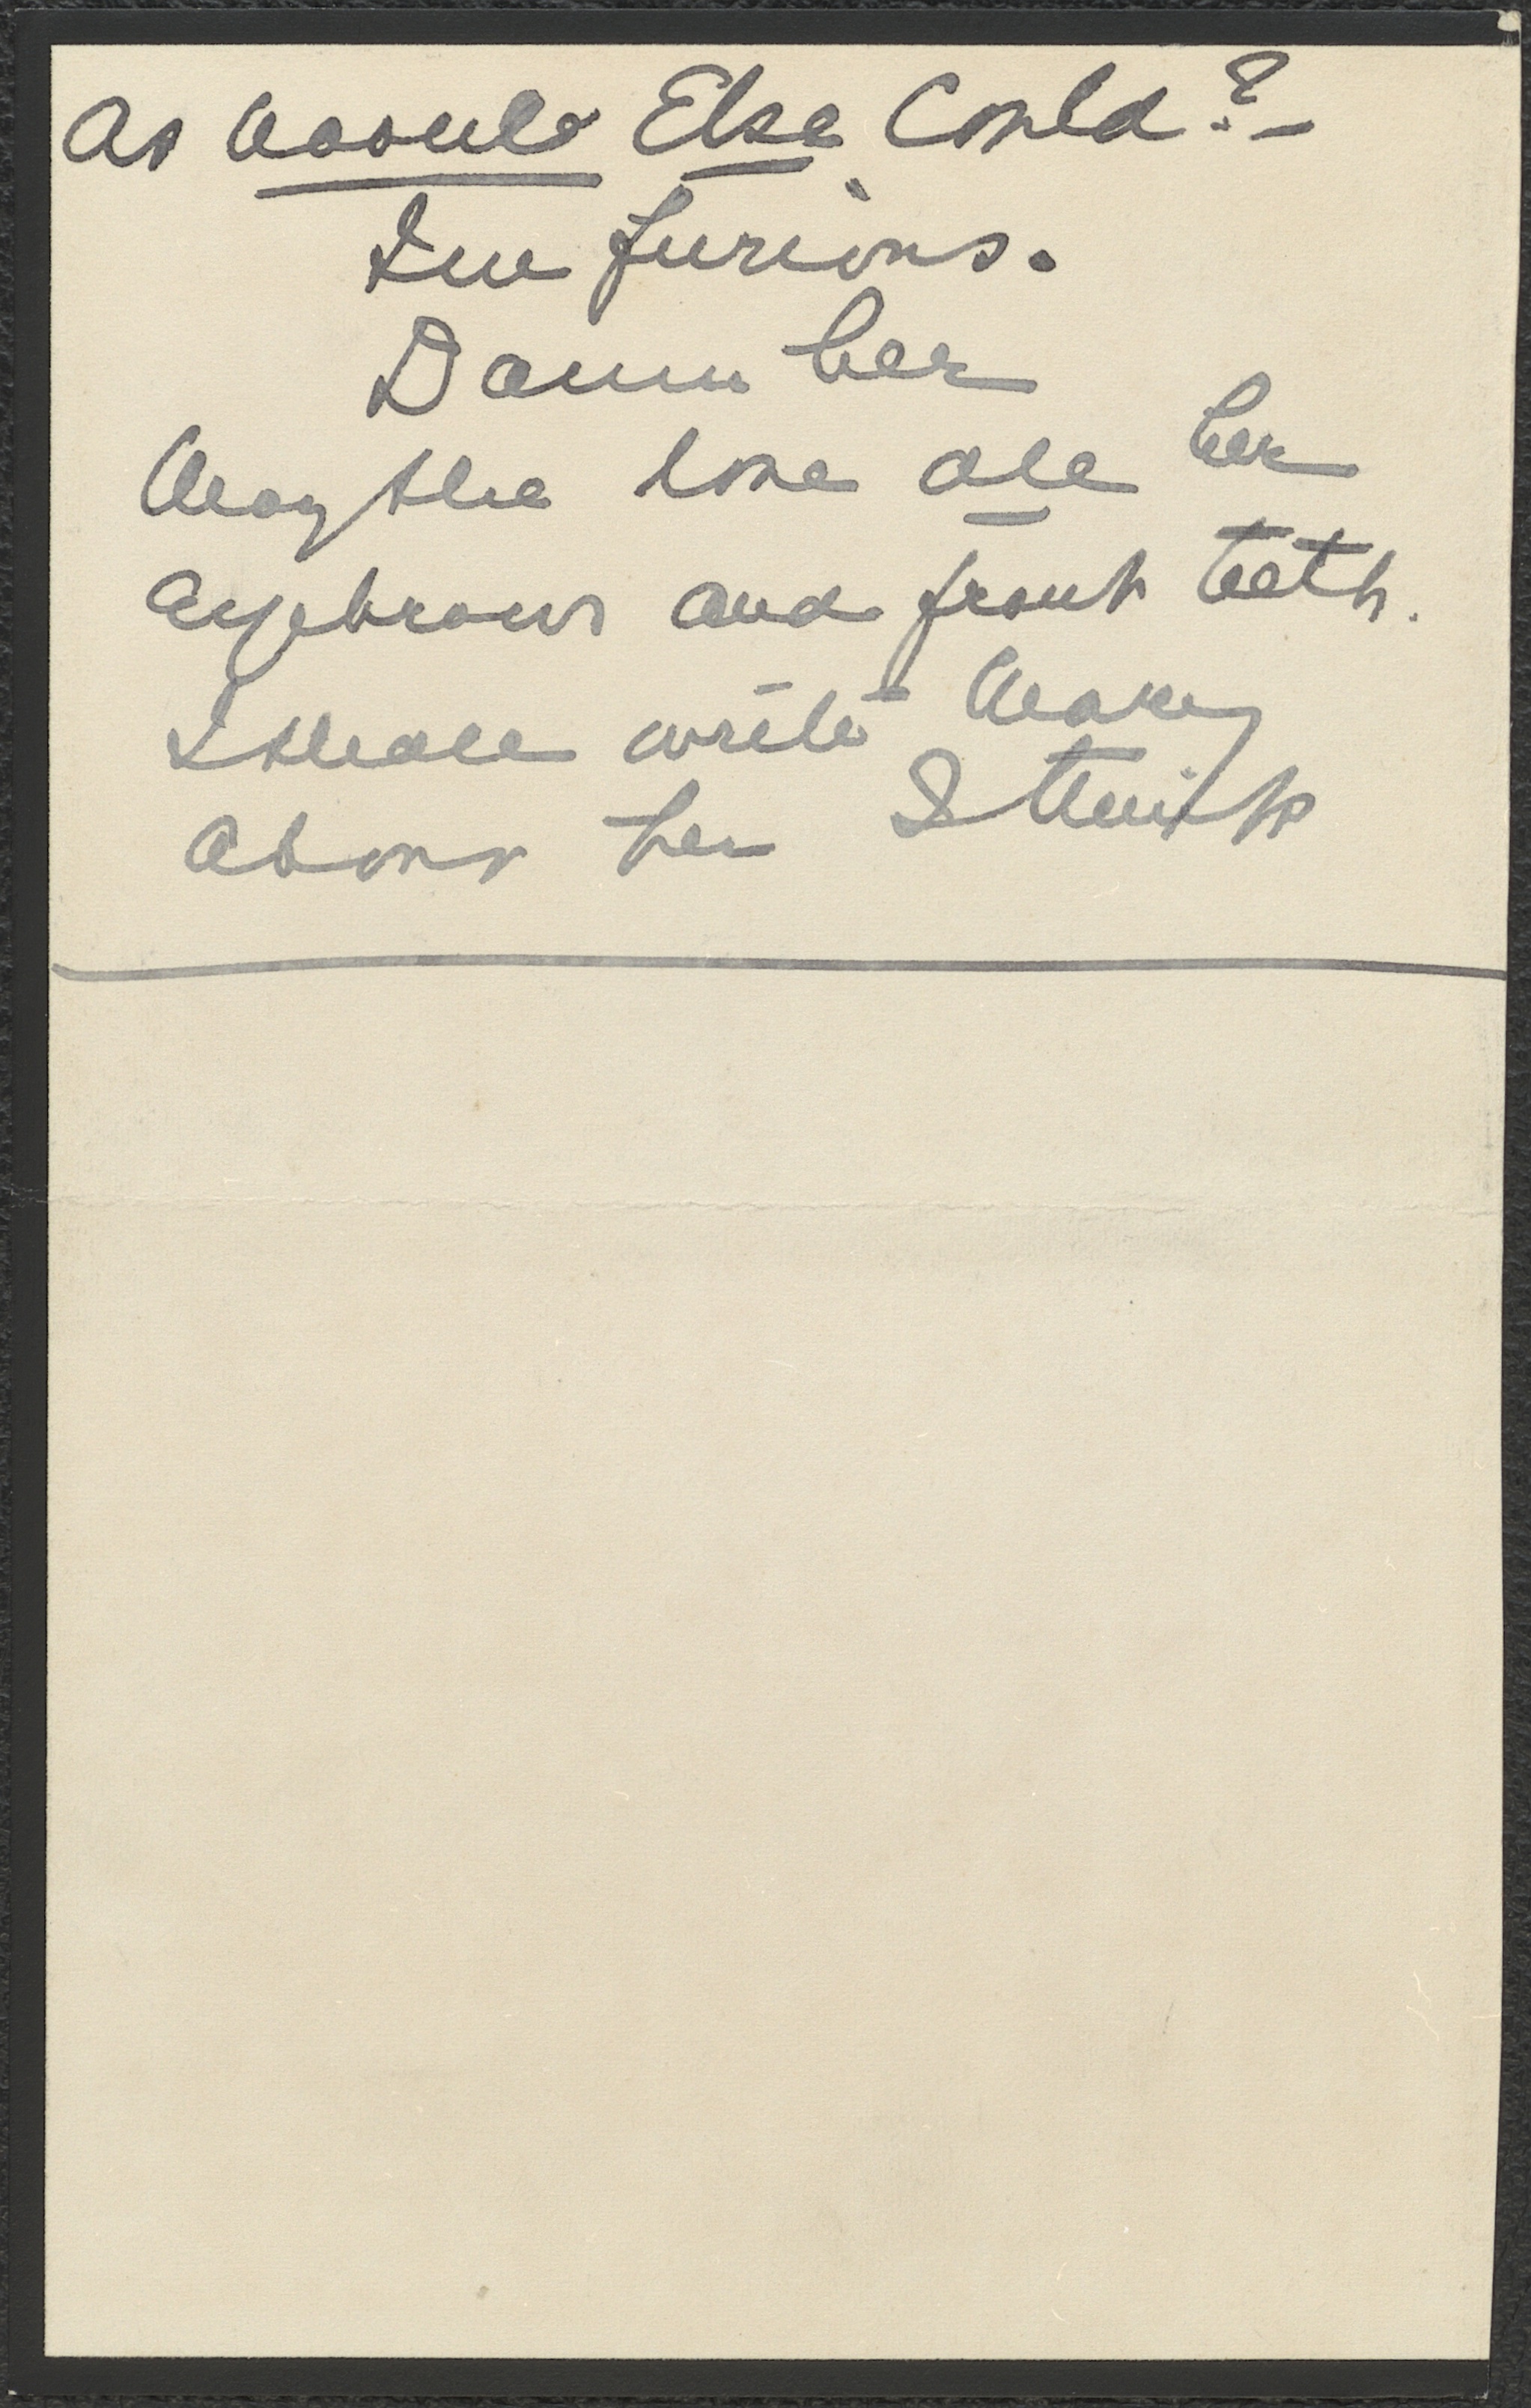as noone else could? –
Im [sic] furious.
Damn her
May she lose all her eyebrows and front teeth. I shall write Mary about her I think